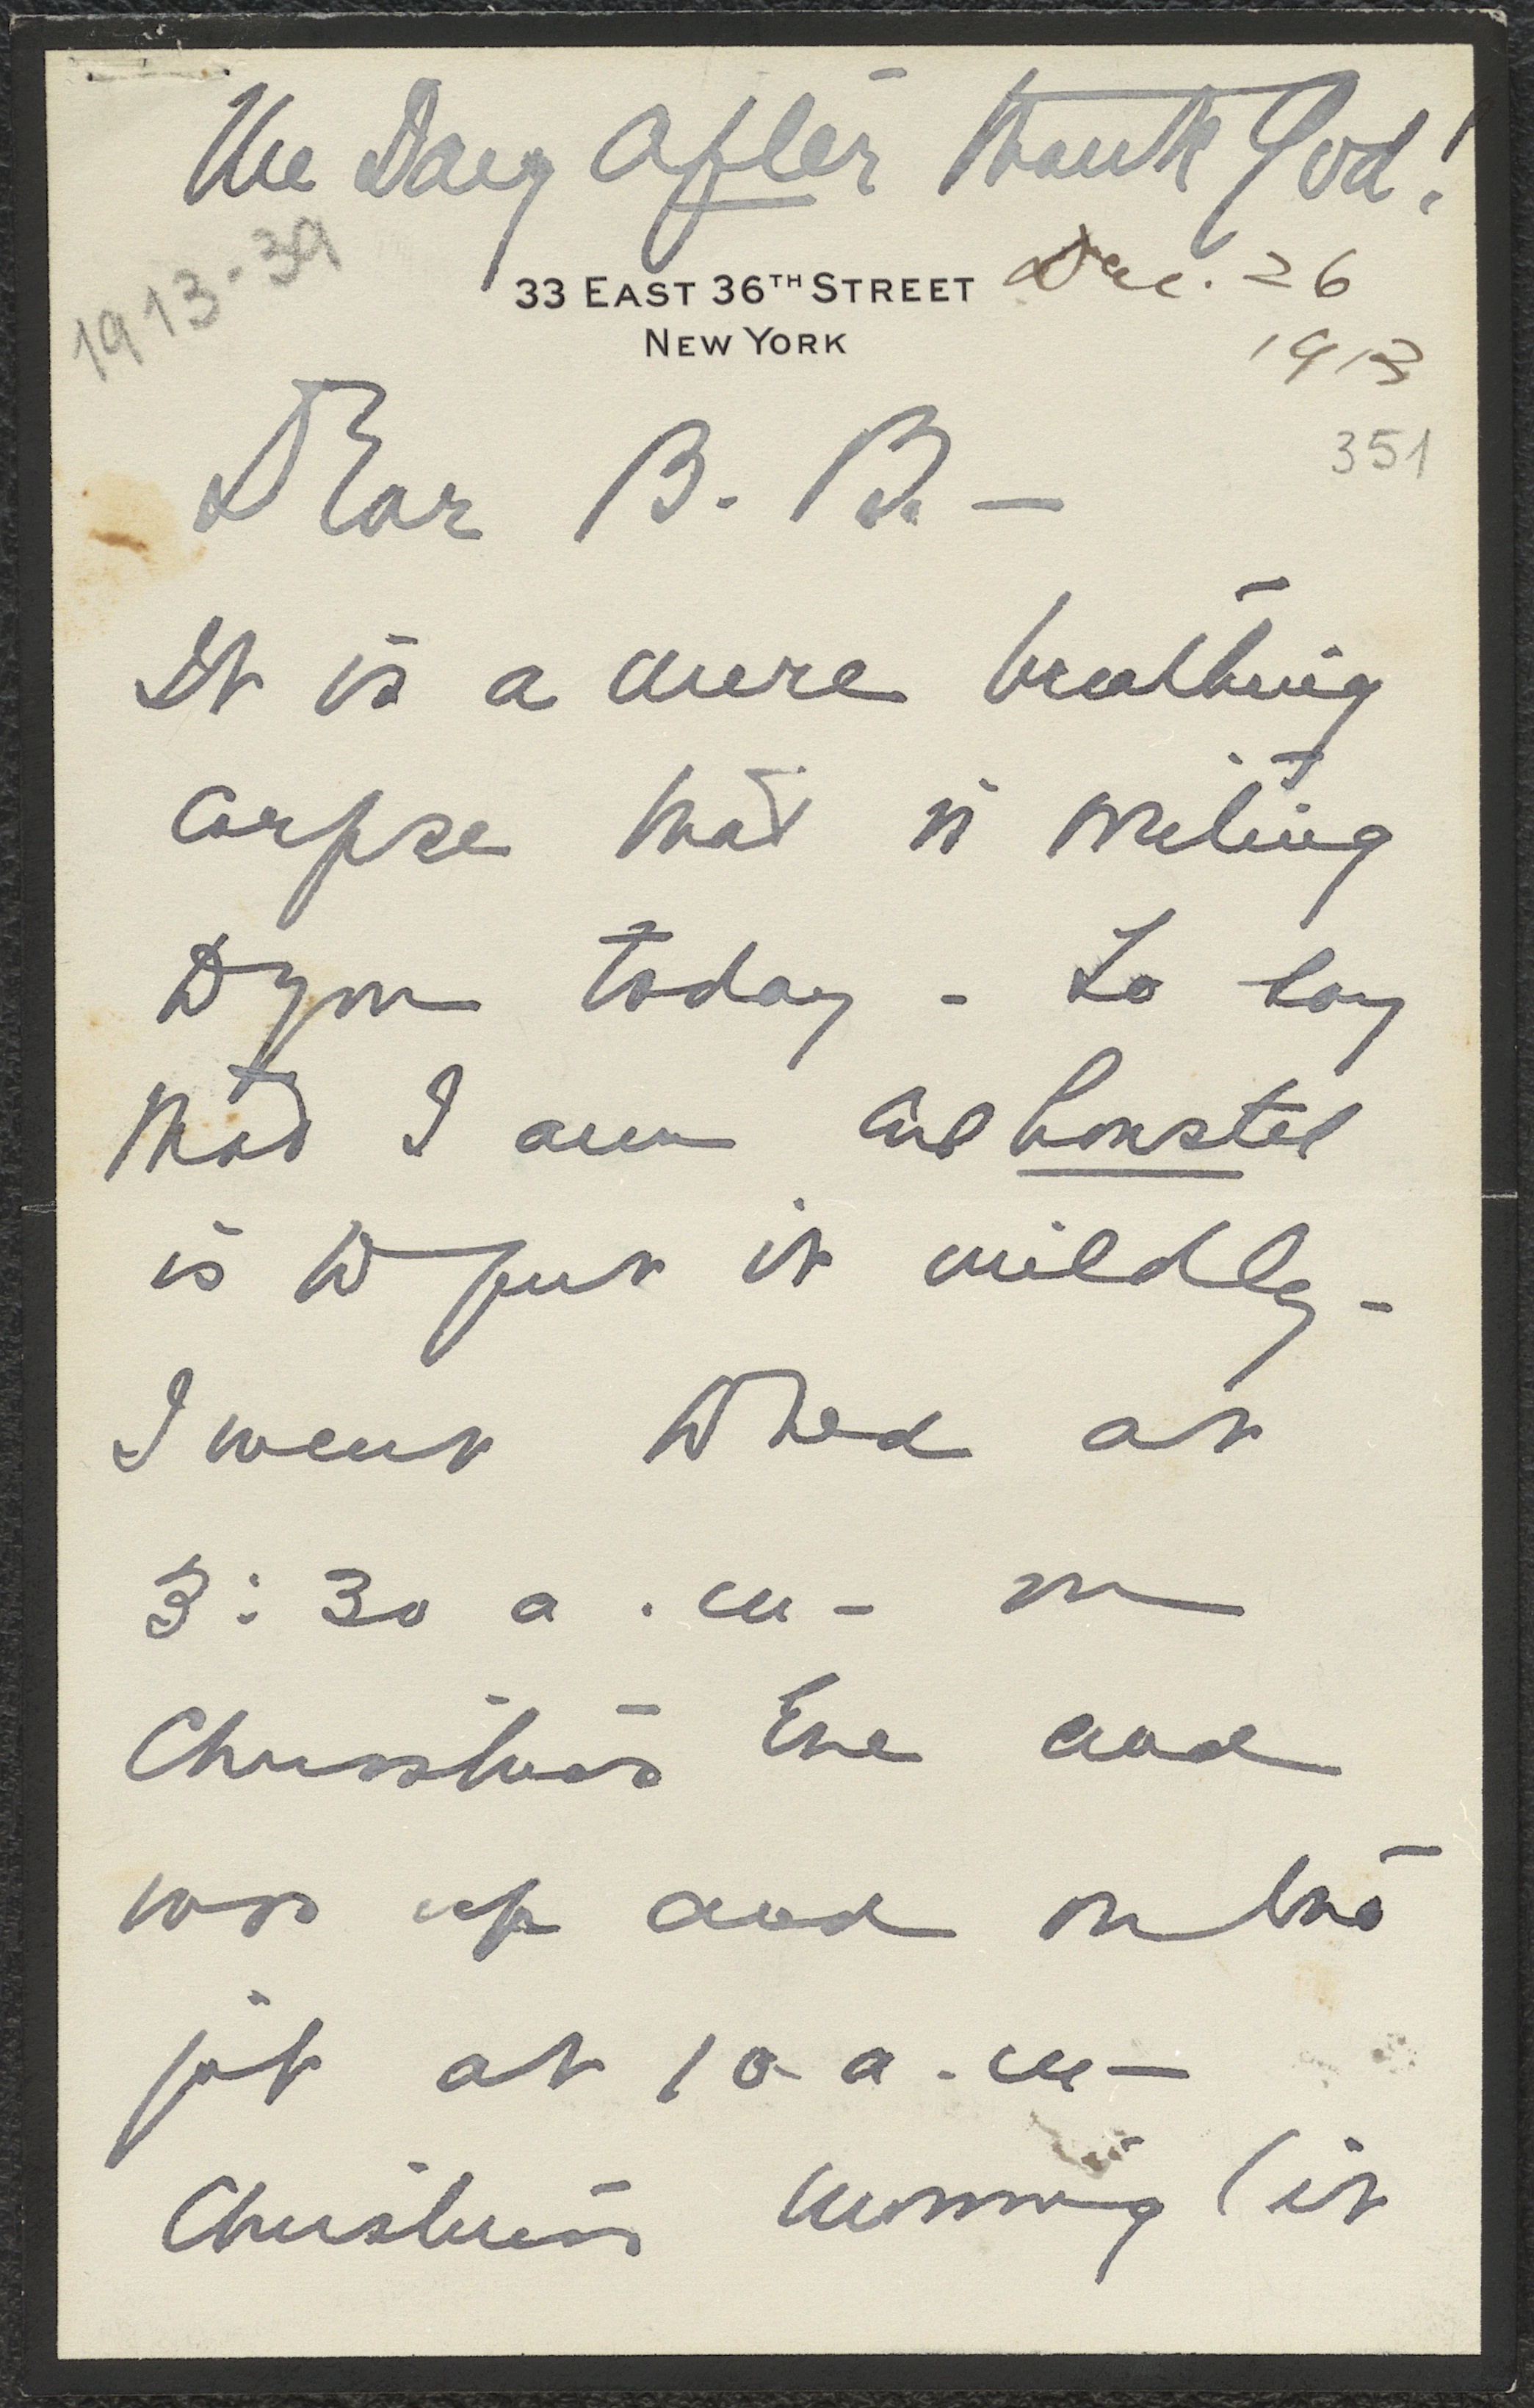The Day after thank God!
Dear B. B. –
It is a mere breathing corpse that is writing to you today – To say that I am exhausted is to put it mildly – I went to bed at 3:30 a.m – on Christmas Eve and was up and on the job at 10 a. m – Christmas morning (it